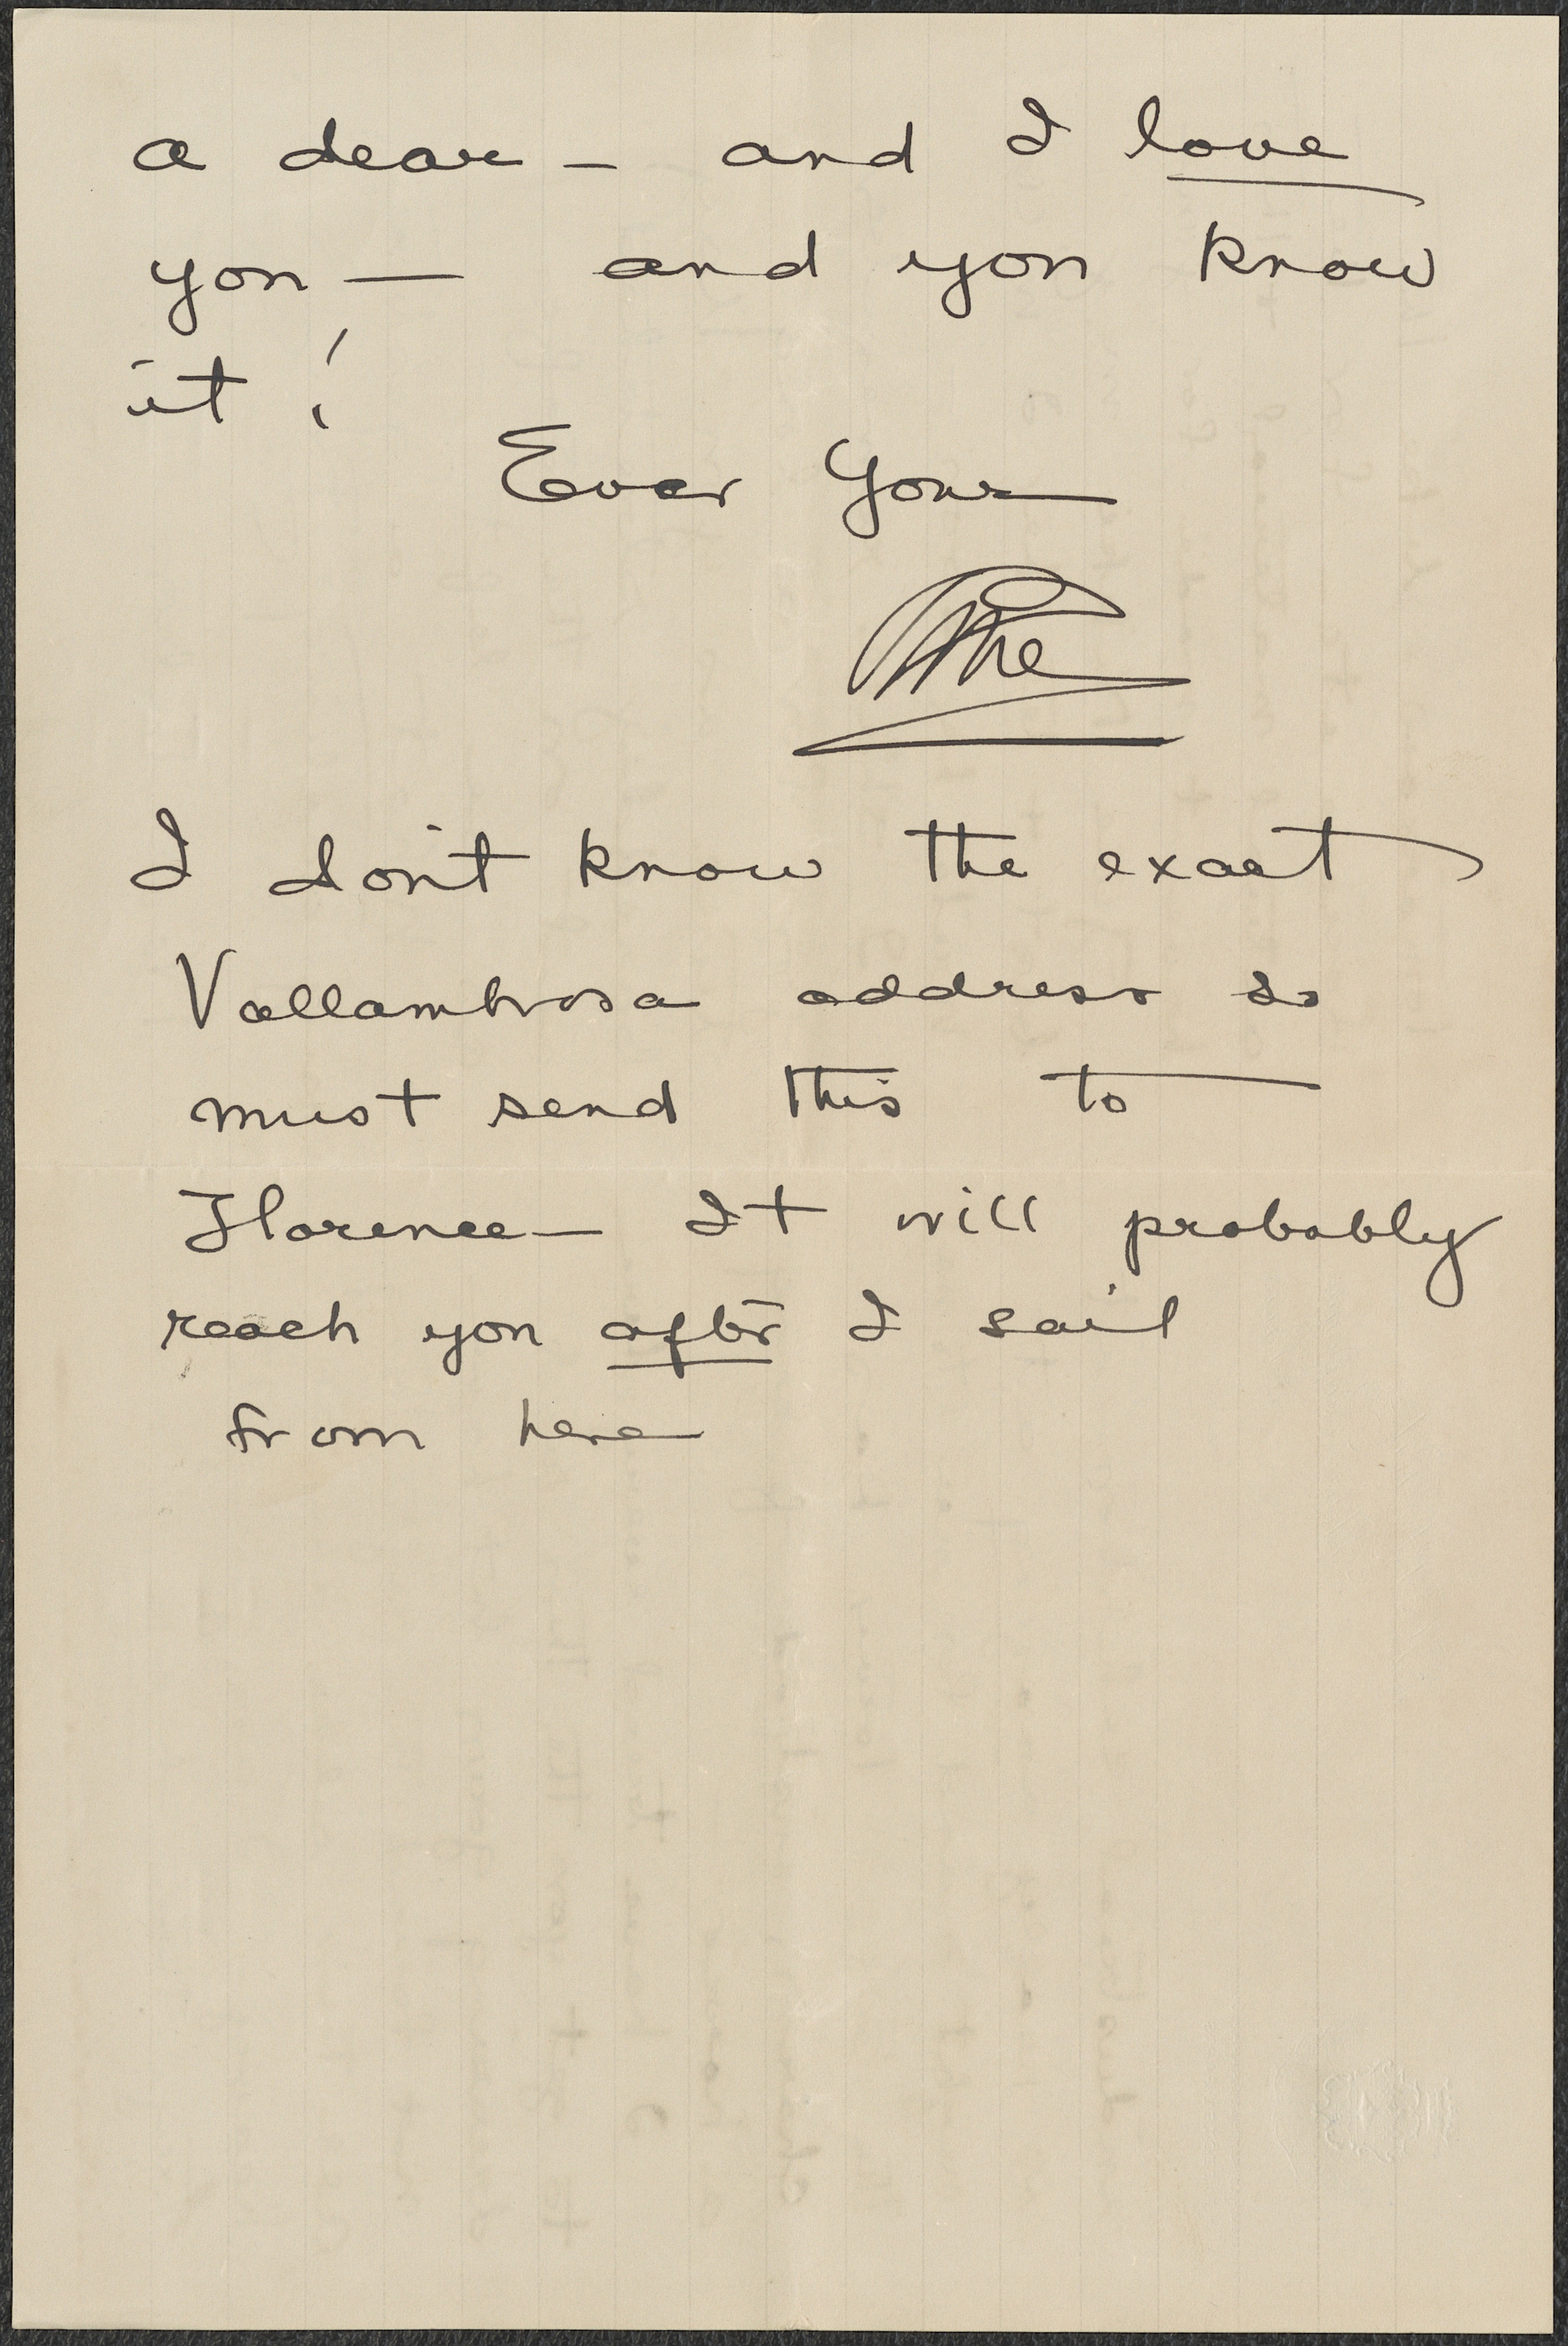a dear – and I love you – and you know it!
Ever your
Belle
I don't know the exact Vallambrosa [sic] address so must send this to Florence – it will probably reach you after I sail from here